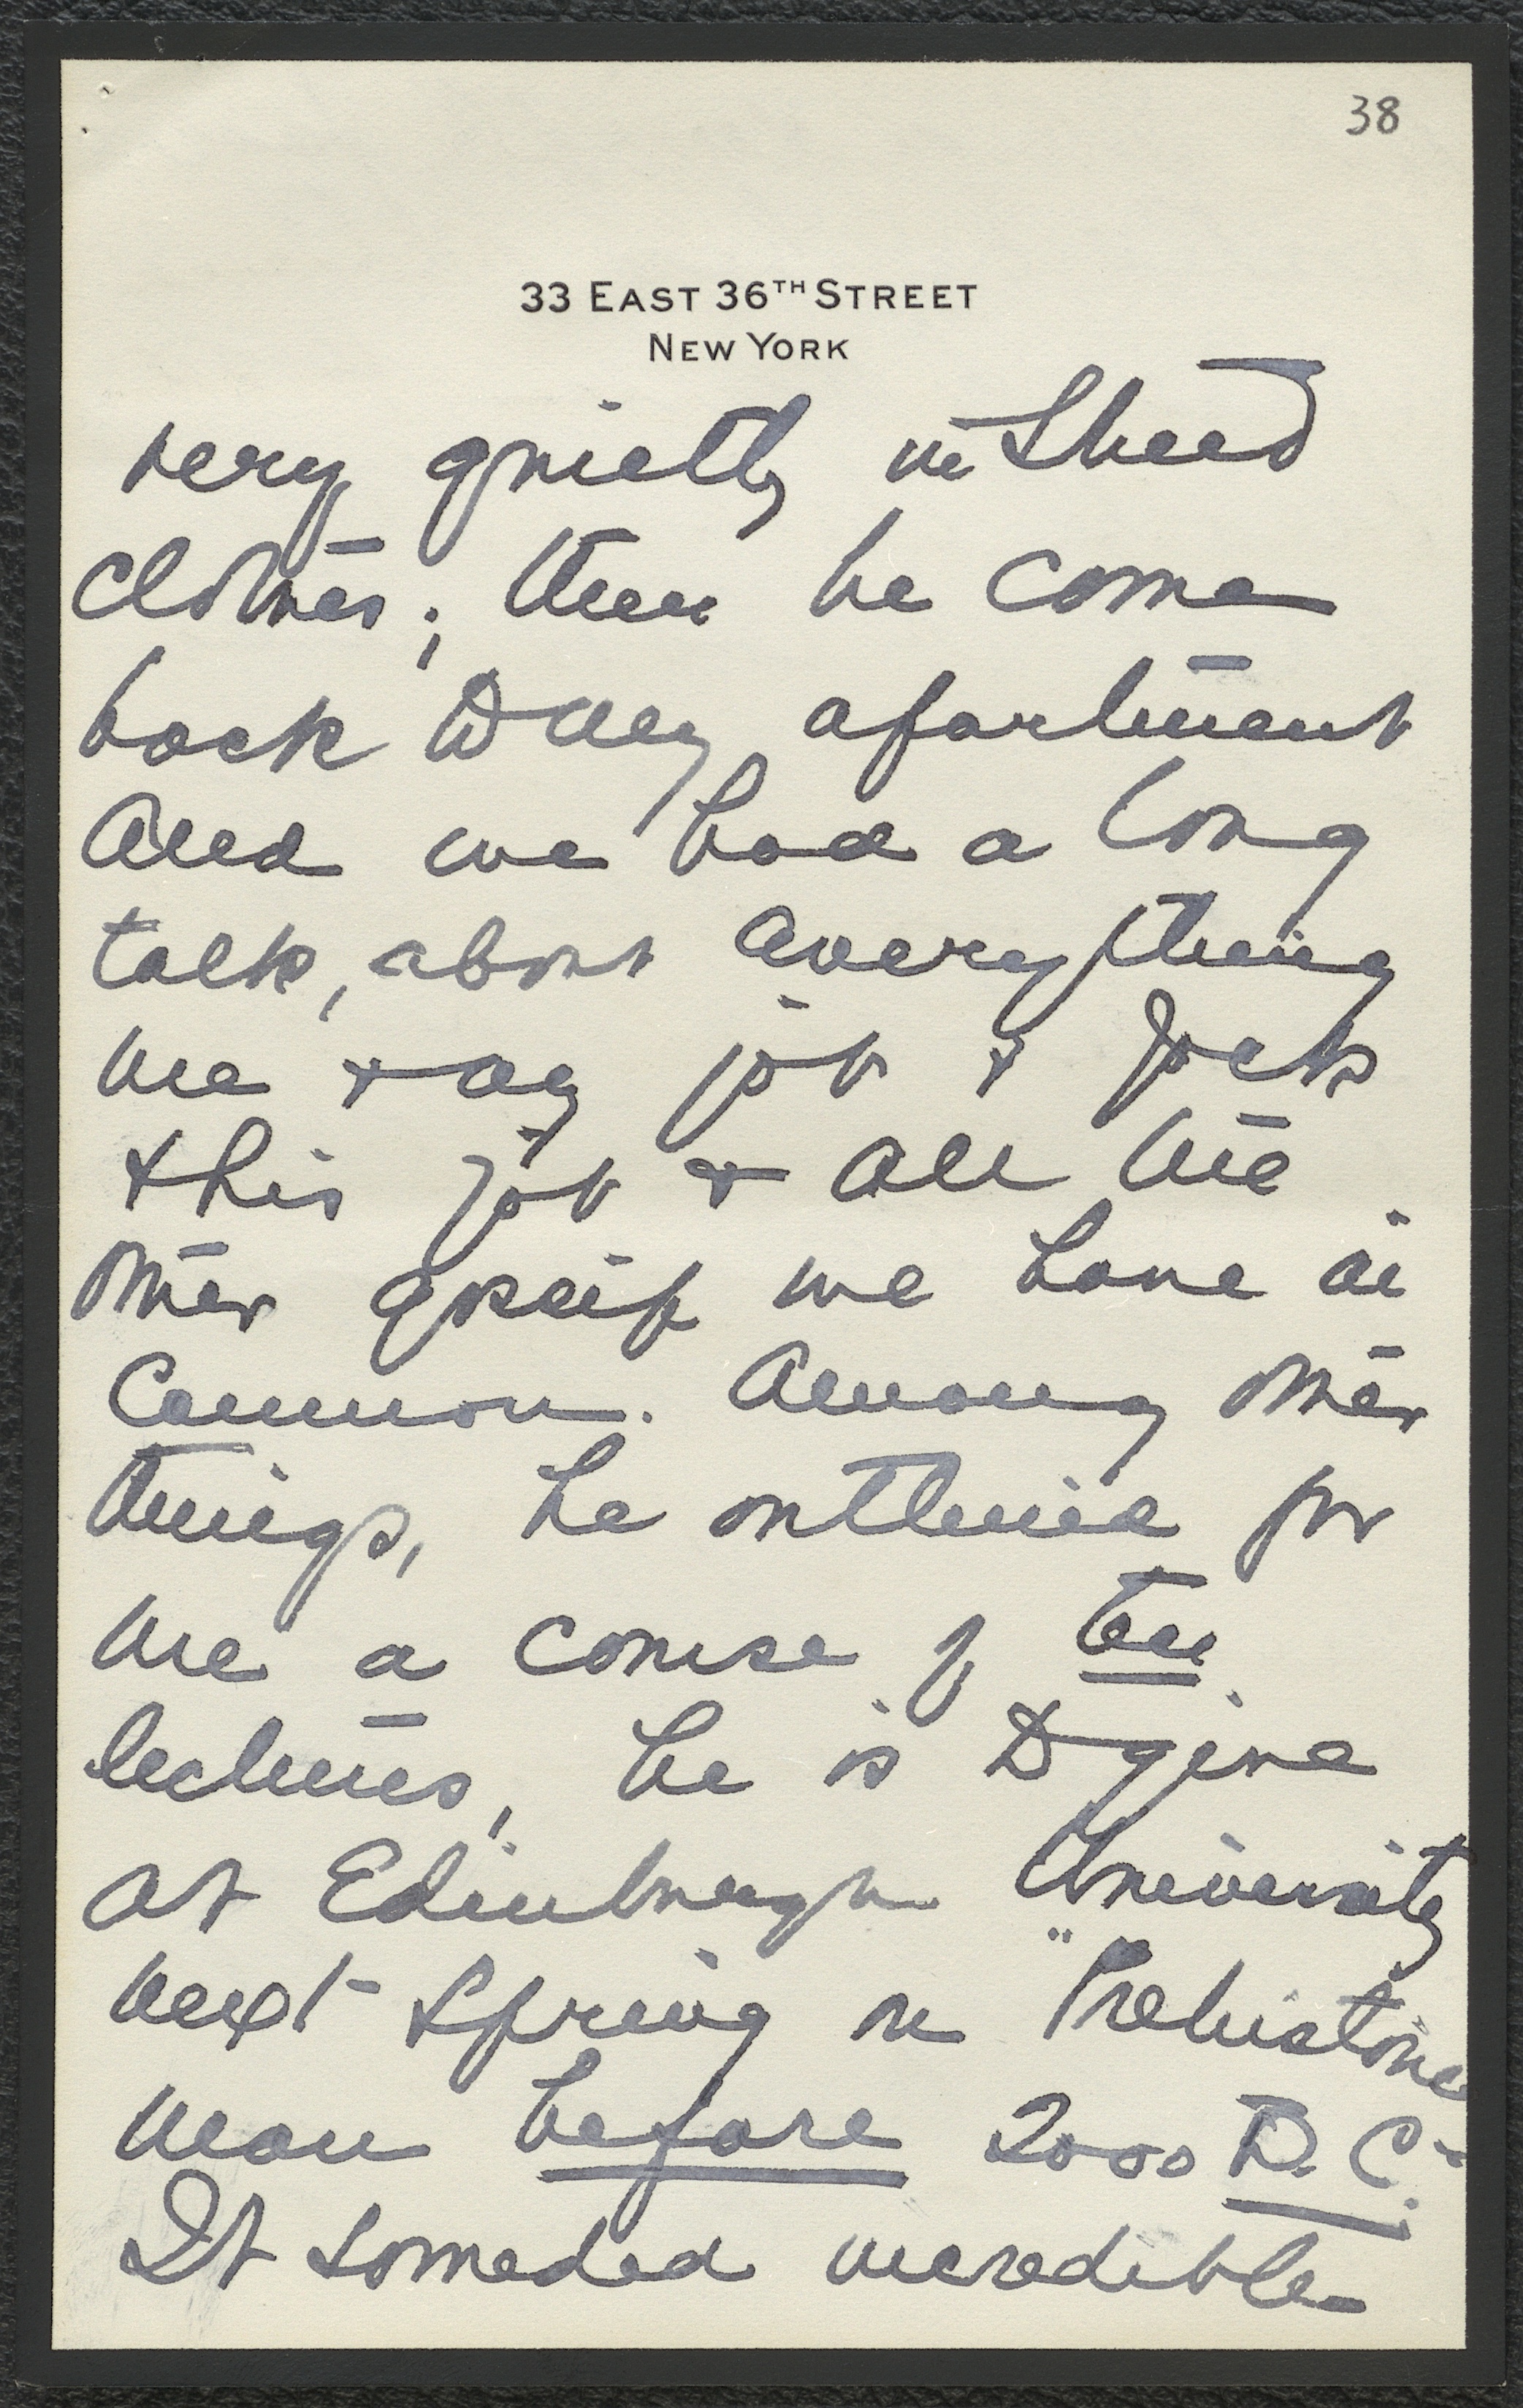very quietly in street clothes; there he came back to my apartment and we had a long talk, about everything me & my job & Jack & his job & all the other gossip we have is common. Among other things, he outlined for me a course of ten lectures, he is to give at Edinburgh University next spring on “Prehistoric man before 2000 B.C.” It sounded incredible